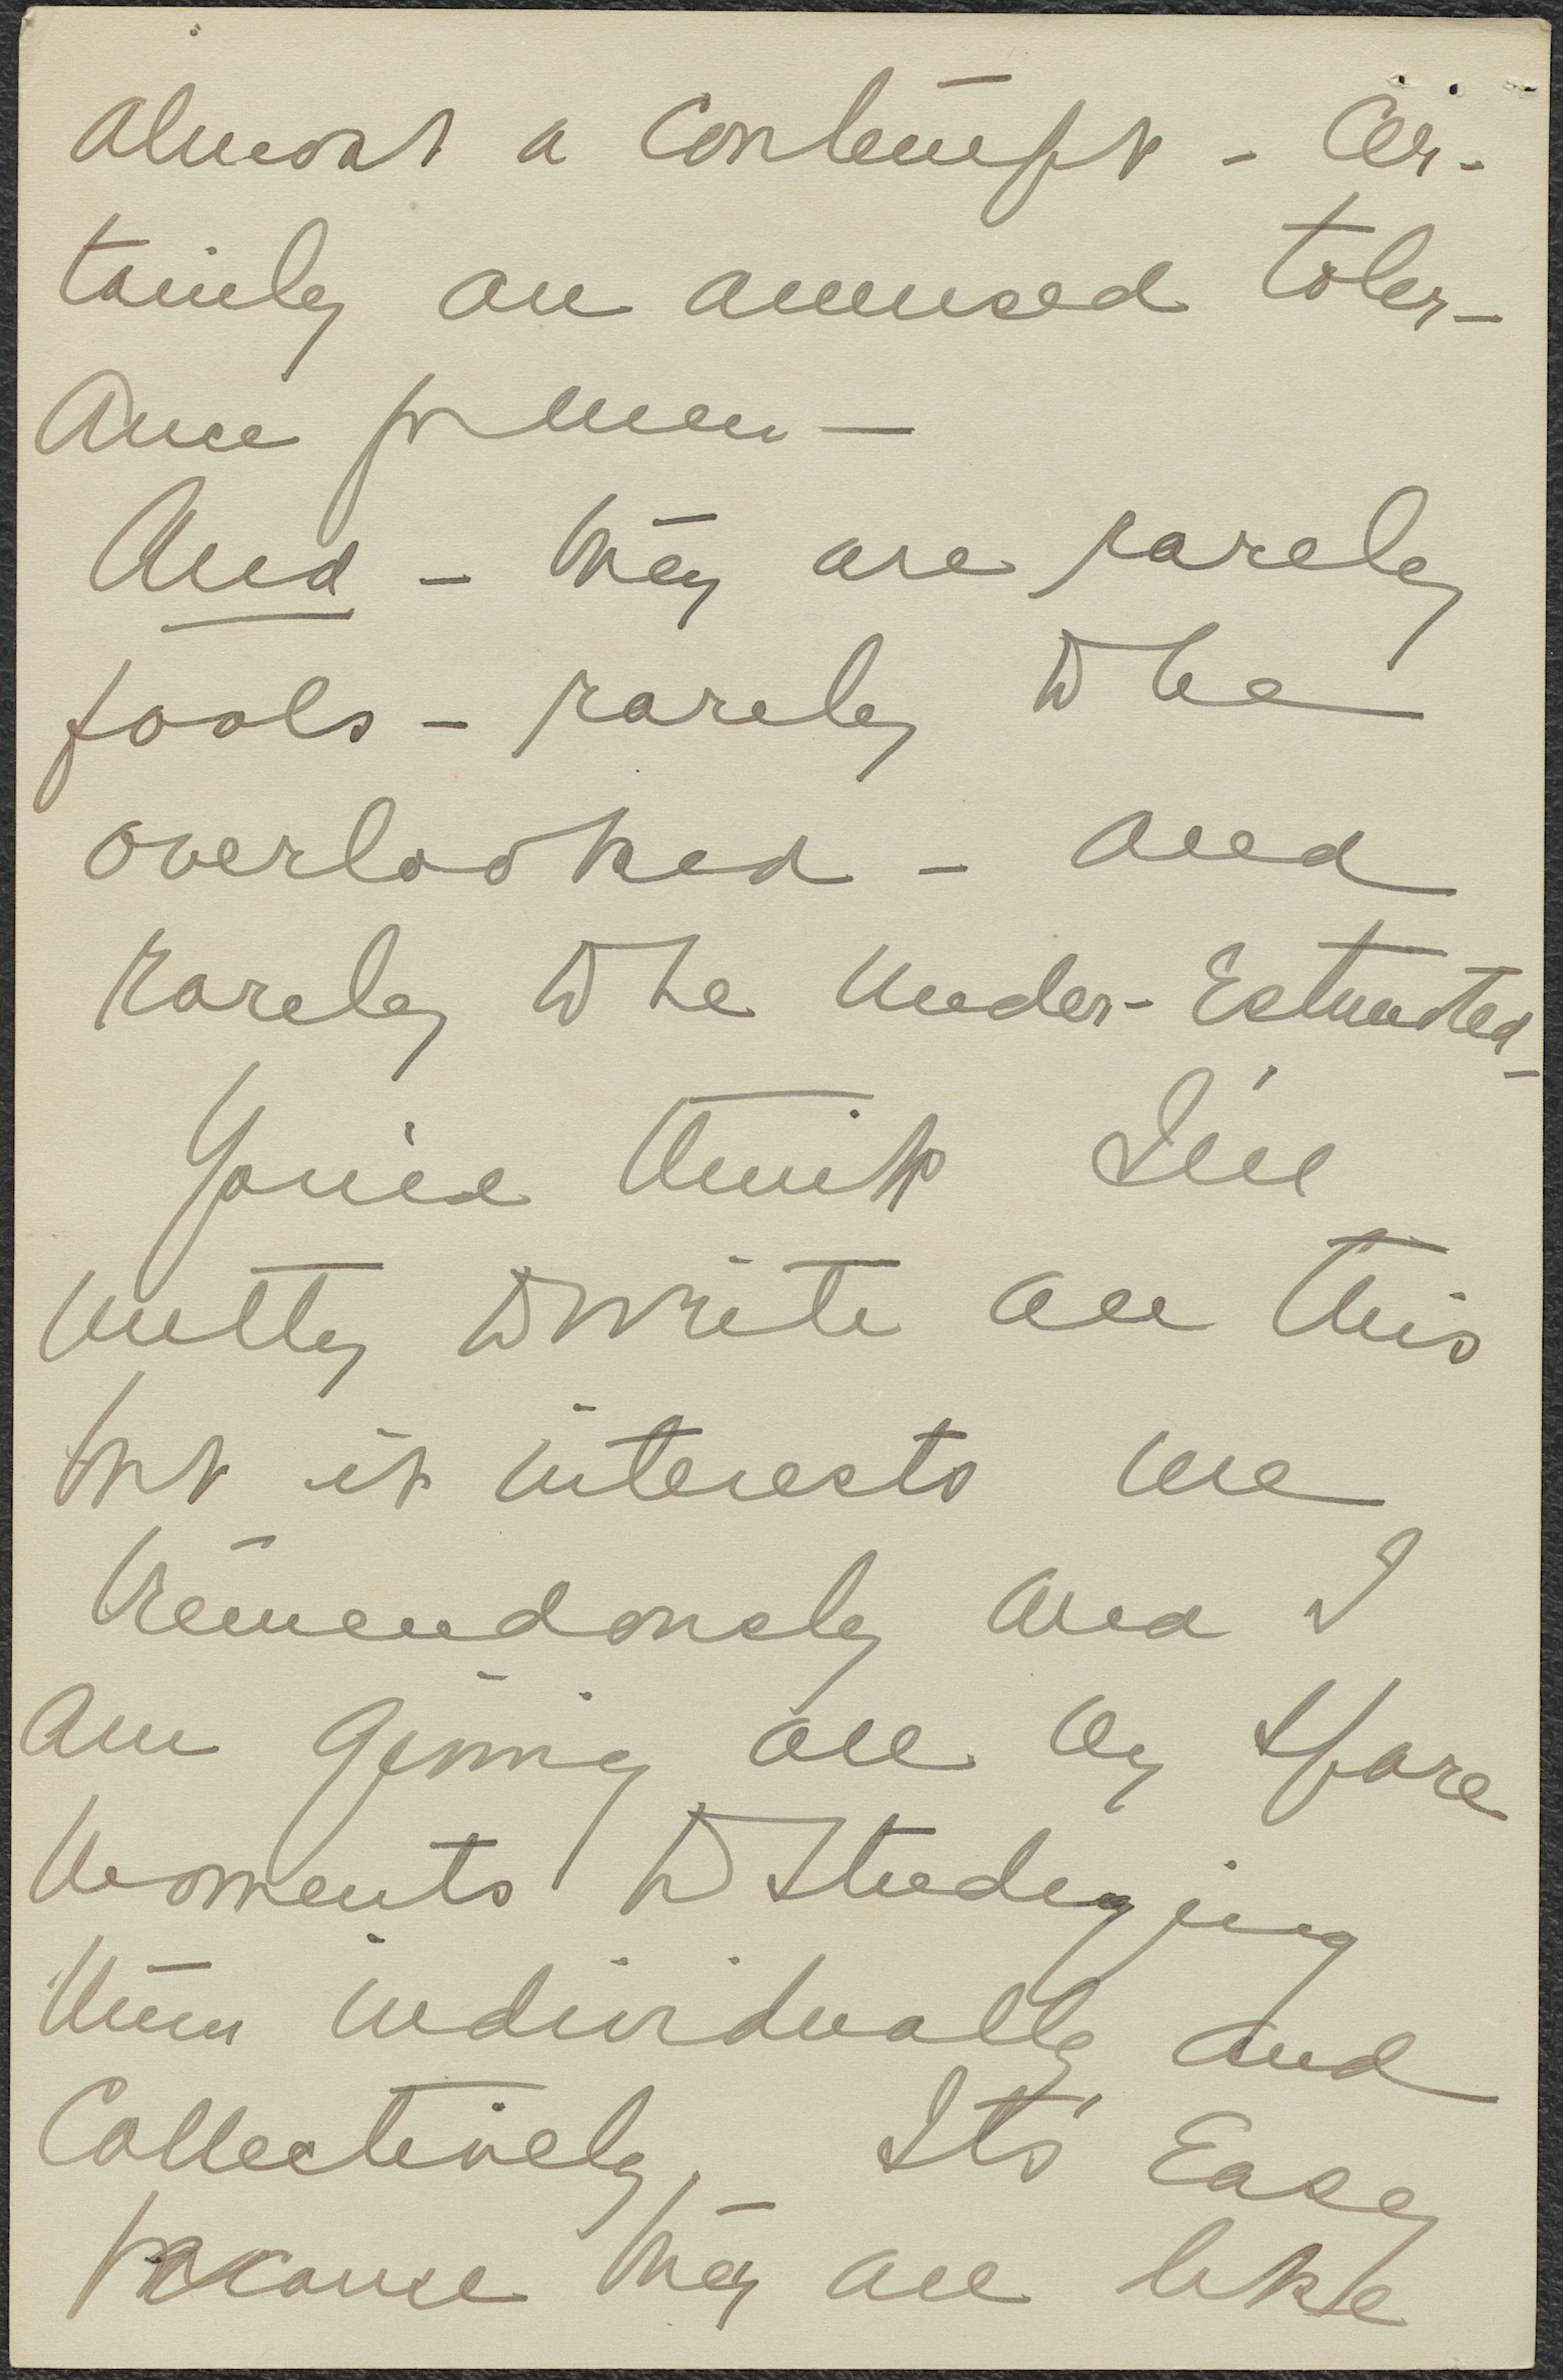almost a contempt – certainly an amused tolerance for men –
And – they are rarely fools – rarely to be overlooked – and rarely to be under-estimated,
You’ll think I’m witty to write all this but it interests me tremendously and I am giving all my spare moments to studying them individually and collectively – It’s easy because they all like